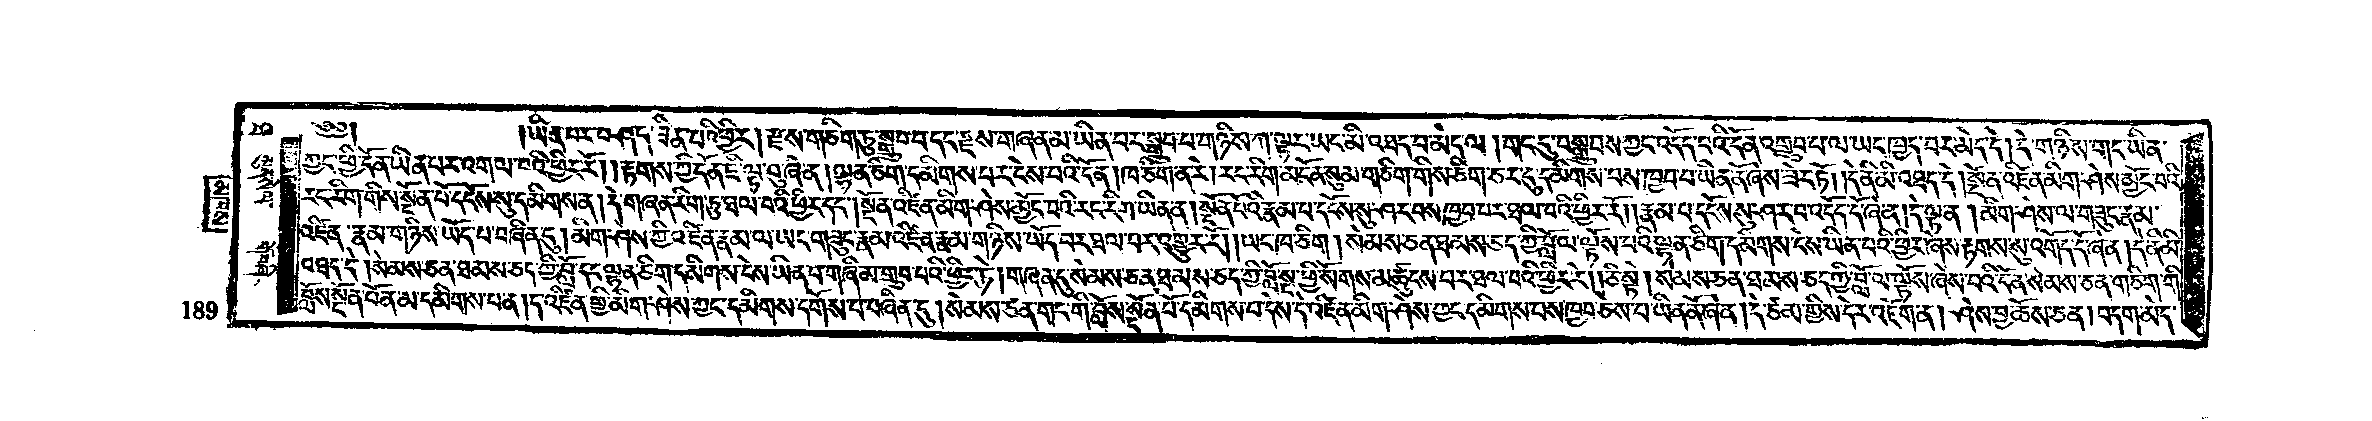༄༅། །ཡིན་པར་བཤད་ཟིན་པའི་ཕྱིར། རྫས་གཅིག་ཏུ་སྒྲུབ་པ་དང་རྫས་གཞན་མ་ཡིན་པར་སྒྲུབ་པ་གཉིས་ཀ་ལྟར་ཡང་མི་འཐད་པ་མེད་ལ། གང་དུ་བསྒྲུབས་ཀྱང་འདོད་པའི་དོན་འགྲུབ་པ་ལ་ཡང་ཁྱད་པར་མེད་དེ། དེ་གཉིས་གང་ཡིན་
ཀྱང་ཕྱི་དོན་ཡིན་པར་འགལ་བའི་ཕྱིར་རོ། །རྟགས་ཀྱི་དོན་ཇི་ལྟ་བུ་ཞེ་ན། ལྷན་ཅིག་དམིགས་པར་ངེས་པའི་དོན། ཁ་ཅིག་ན་རེ། རང་རིག་མངོན་སུམ་གཅིག་གིས་ཅིག་ཅར་དུ་དམིགས་པས་ཁྱབ་པ་ཡིན་ནོ་ཞེས་ཟེར་ཏོ། །དེ་ནི་མི་འཐད་དེ། སྔོན་འཛིན་མིག་ཤེས་མྱོང་བའི་
རང་རིག་གིས་སྔོན་པོ་དངོས་སུ་དམིགས་ན། དེ་གཞན་རིག་ཏུ་ཐལ་བའི་ཕྱིར་དང་། སྔོན་འཛིན་མིག་ཤེས་མྱོང་བའི་རང་རིག་ཡིན་ན། སྔོན་པོའི་རྣམ་པ་དངོས་སུ་ཤར་བས་ཁྱབ་པར་ཐལ་བའི་ཕྱིར་རོ། །རྣམ་པ་དངོས་སུ་ཤར་བ་འདོད་དོ་ཞེ་ན། དེ་ལྟ་ན་།མིག་ཤེས་ལ་གཟུང་རྣམ་
འཛིན་རྣམ་གཉིས་ཡོད་པ་བཞིན་དུ། མིག་ཤེས་ཀྱི་འཛིན་རྣམ་ལ་ཡང་གཟུང་རྣམ་འཛིན་རྣམ་གཉིས་ཡོད་པར་ཐལ་བར་འགྱུར་རོ། །ཡང་ཁ་ཅིག །སེམས་ཅན་ཐམས་ཅད་ཀྱི་བློ་ལ་ལྟོས་པའི་ལྷན་ཅིག་དམིགས་ངེས་ཡིན་པའི་ཕྱིར་ཞེས་རྟགས་སུ་འགོད་དོ་ཞེས་ན། དེ་ནི་མི་
འཐད་དེ། སེམས་ཅན་ཐམས་ཅད་ཀྱི་བློ་དང་ལྷན་ཅིག་དམིགས་ངེས་ཡིན་པ་གཞི་མ་གྲུབ་པའི་ཕྱིར་ཏེ། གཞན་དུ་སེམས་ཅན་ཐམས་ཅད་ཀྱི་བློ་སྔ་ཕྱི་སོགས་མཚུངས་པར་ཐལ་བའི་ཕྱིར་རོ། །ཅི་སྟེ། སེམས་ཅན་ཐམས་ཅད་ཀྱི་བློ་ལ་ལྟོས་ཞེས་པའི་དོན་སེམས་ཅན་གཅིག་གི་
བློས་སྔོན་པོ་ན་མ་དམིགས་པ་ན། དེ་འཛིན་གྱི་མིག་ཤེས་ཀྱང་དམིགས་དགོས་པ་བཞིན་དུ། སེམས་ཙམ་གང་གི་བློས་སྔོན་པོ་དམིགས་པ་དེ་འཛིན་མིག་ཤེས་ཀྱང་དམིགས་པས་ཁྱབ་ཅེས་པ་ཡིན་ནོ་ཞེ་ན། དེ་ཙམ་གྱིས་དེར་འཇོག་ན། ཤེས་བྱ་ཆོས་ཅན། བདག་མེད་